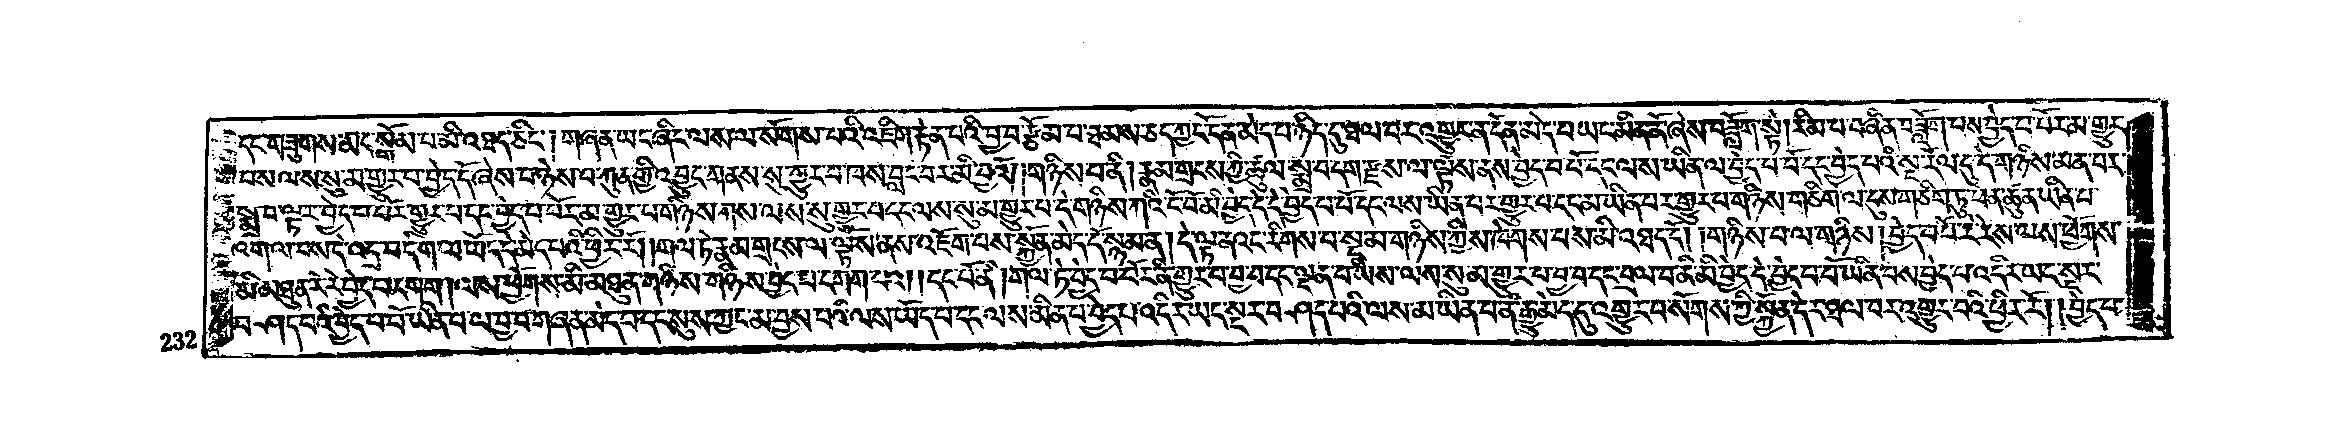དང་གཟུགས་མེད་སྒོམ་པ་མི་འཐད་ཅིང་། གཞན་ཡང་ཞིང་ལས་ལ་སོགས་པའི་འཇིག་རྟེན་པའི་བྱ་བ་རྩོམ་པ་ཐམས་ཅད་ཀྱང་དོན་མེད་པ་ཉིད་དུ་ཐལ་བར་འགྱུར་ན་དོན་མེད་པ་ཡང་མིན་ནོ་ཞེས་བཟློག་སྟེ། རིམ་པ་བཞིན་བཟློག་པས་བྱེད་པ་པོར་མ་གྱུར་
པས་ལས་སུ་མ་གྱང་པ་བྱེད་དོ་ཞེས་པ་ཉེས་པ་ཀུན་གྱི་འབྱུང་གནས་སུ་གྱུར་པ་ཁས་བླང་བར་མི་བྱའོ། །གཉིས་པ་ནི། རྣམ་གྲངས་ཀྱི་ཚུལ་སྨྲ་བ་དག་རྫས་ལ་ལྟོས་ནས་བྱེད་པ་པོ་དང་ལས་ཡིན་ལ་བྱེད་པ་པོ་དང་བྱེད་པའི་སྔ་རོལ་དུ་དེ་གཉིས་མིན་པར་
སྨྲ་བ་ལྟར་བྱེད་པ་པོར་གྱུར་པ་དང་བྱེད་པ་པོར་མ་གྱུར་པ་གཉིས་ཀས་ལས་སུ་གྱུར་བ་དང་ལས་སུ་མ་གྱུར་པ་དེ་གཉིས་ཀའི་ངོ་བོ་མི་བྱེད་དེ་དེ་བྱེད་པ་པོ་དང་ལས་ཡིན་པར་གྱུར་པ་ངང་མ་ཡིན་པར་གྱུར་པ་གཉིས་གཅིག་ལ་དུས་གཅིག་ཏུ་ཕན་ཚུན་ཡོད་པ་
འགལ་བས་དེ་འདྲ་བ་དེ་གལ་ཡོད་དེ་མེད་པའི་ཕྱིར་རོ། །གལ་ཏེ་རྣམ་གྲངས་ལ་ལྟོས་ནས་འཇོག་པས་སྐྱོན་མེད་དོ་སྙམ་ན། དེ་ལྟ་ནའང་རིགས་པ་སྔ་མ་གཉིས་ཀྱིས་ཁེགས་པས་མི་འཐད་དོ། །གཉིས་པ་ལ་གཉིས། བྱེད་པ་པོ་རེ་རེས་ལས་ཕྱོགས་
མི་མཐུན་རེ་རེ་བྱེད་པ་དགག །ལས་ཕྱོགས་མི་མཐུན་གཉིས་གཉིས་བྱེད་པ་དགག་པའ། །དང་པོ་ནི། གལ་ཏེ་བྱེད་པ་པོར་ནི་གྱུར་པ་བྱ་བ་དང་ལྡན་པ་ཡིས་ལས་སུ་མ་གྱུར་པ་བྱ་བ་དང་བྲལ་བ་ནི་མི་བྱེད་དེ་བྱེད་པ་པོ་ཡིན་པས་བྱེད་པ་འདིར་ཡང་སྔར་
བཤད་པའི་བྱེད་པ་པོ་ཡིན་པ་ལ་བྱ་བ་གཞན་མེད་པ་དང་སུས་ཀྱང་མ་བྱས་པའི་ལས་ཡོད་པ་དང་ལས་མིན་པ་བྱེད་པ་འདིར་ཡང་སྔར་བཤད་པའི་ལས་མ་ཡིན་པ་ནི་རྒྱུ་མེད་དུ་འགྱུར་བ་སོགས་ཀྱི་སྐྱོན་དེར་ཐལ་བར་འགྱུར་བའི་ཕྱིར་རོ། །བྱེད་པ་